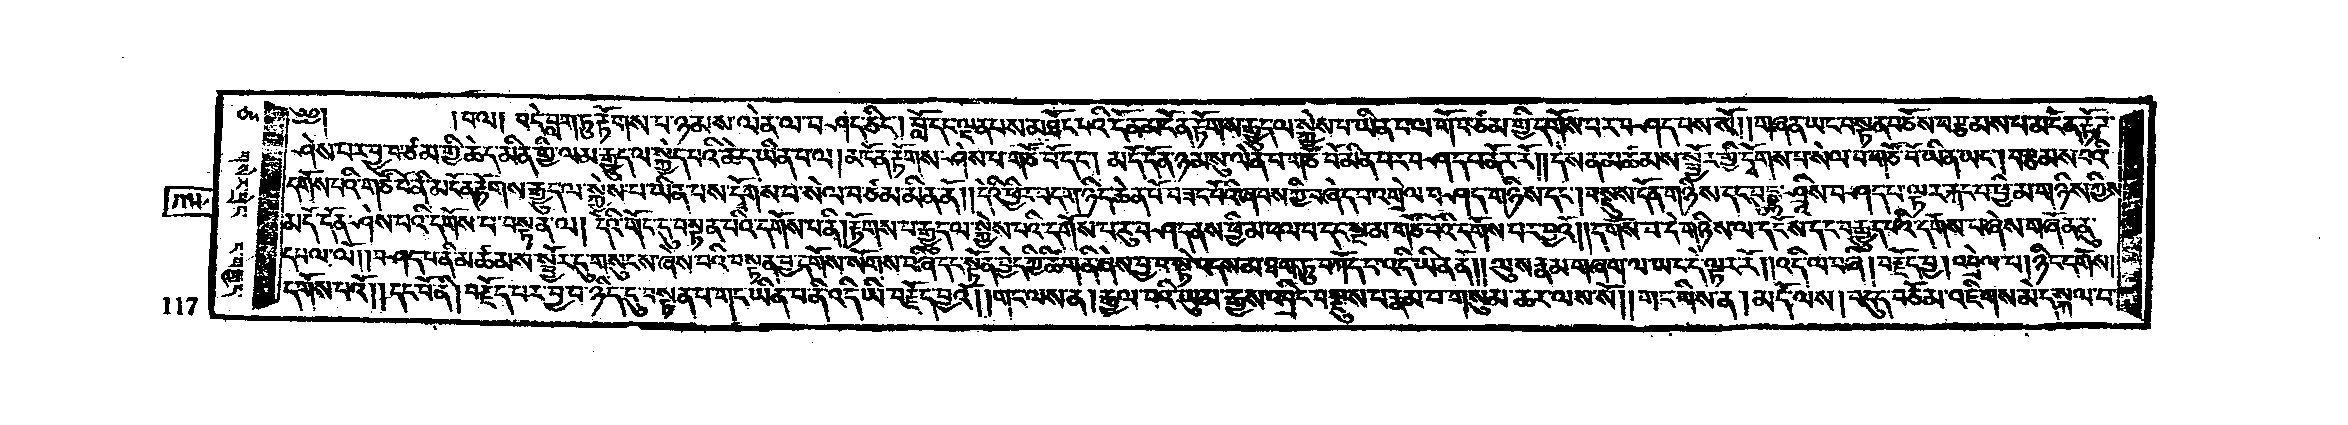༄༅། །བ་ལ། བདེ་བླག་ཏུ་རྟོགས་པ་ཉམས་ལེན་ལ་བཤད་ཅིང་། བློ་དང་ལྡན་པས་མཐོང་བའི་དོན་མངོན་རྟོགས་རྒྱུད་ལ་སྐྱེས་པ་ཡིན་པ་ལ་གོ་བ་ཙམ་གྱི་དགོས་པར་བཤད་པས་སོ། །གཞན་ཡང་བསྟན་བཅོས་བརྩམས་པ་མངོན་རྟོགས་
ཤེས་པར་བྱ་བ་ཙམ་གྱི་ཆེད་མིན་གྱི་ལམ་རྒྱུད་ལ་སྐྱེད་པའི་ཆེད་ཡིན་པ་ལ། མངོན་རྟོགས་ཤེས་པ་གཙོ་བོ་དང་། མདོ་དོན་ཉམས་སུ་ལེན་པ་གཙོ་བོ་མིན་པར་བཤད་པ་ནོར་རོ། །དེས་ན་མཚམས་སྦྱོར་གྱི་དྭོགས་པ་སེལ་བ་གཙོ་བོ་ཡིན་ཡང་། བརྩམས་པའི་
དགོས་པའི་གཙོ་བོ་ནི་མངོན་རྟོགས་རྒྱུད་ལ་སྐྱེས་པ་ཡིན་པས་དྭོགས་པ་སེལ་བ་ཙམ་མིན་ནོ། །དེའི་ཕྱིར་བདག་ཉིད་ཆེན་པོ་བཟང་པོའི་ཞབས་ཀྱི་བཞེད་པ་འགྲེལ་བཤད་གཉིས་དང་། བསྡུས་དོན་གཉིས་དང་བུདྡྷ་ཤྲཱིས་བཤད་པ་ལྟར་རྐང་པ་ཕྱི་མ་གཉིས་ཀྱིས་
མདོ་དོན་ཤེས་པའི་དགོས་པ་བསྟན་ལ། དེའི་གོང་དུ་བསྟན་པའི་དགོས་པ་ནི། རྟོགས་པ་རྒྱུད་ལ་སྐྱེས་པའི་དགོས་པ་རུ་བཤད་ནས་ཕྱི་མ་ཕལ་པ་དང་སྔ་མ་གཙོ་བོའི་དགོས་པར་བྱའོ། །དགོས་པ་དེ་གཉིས་ལ་དངོས་དང་བརྒྱུད་པའི་དགོས་པ་ཞེས་གཞོན་ནུ་
དཔལ་ལོ། །བཤད་པ་ནི་མཚམས་སྦྱོར་དུ་གསུངས་ཞེས་པའི་བསྟན་བྱ་དགོས་སོགས་བཞི་དང་སྟོན་བྱེད་ཀྱི་ཚིག་ནི་ཞེས་བྱ་བ་སྟེ་འདས་མ་ཐག་ཏུ་བཀོད་པ་འདི་ཡིན་ནོ། །ལུས་རྣམ་གཞག་ལ་ཡང་དེ་ལྟར་རོ། །འདི་ལ་བཞི། བརྗོད་བྱ། འབྲེལ་པ། ཉིད་དགོས།
དགོས་པའོ། །དང་པོ་ནི། བརྗོད་པར་བྱ་བ་ཉིད་དུ་བསྟན་པ་གང་ཡིན་པ་ནི་འདི་ཡི་བརྗོད་བྱའོ། །གང་ལས་ན། རྒྱལ་བའི་ཡུམ་རྒྱས་འབྲིང་བསྡུས་པ་རྣམ་པ་གསུམ་ཆར་ལས་སོ། །གང་གིས་ན། མདོ་ལས། བདུད་བཅོམ་འཇིགས་མེད་སྐལ་བ་